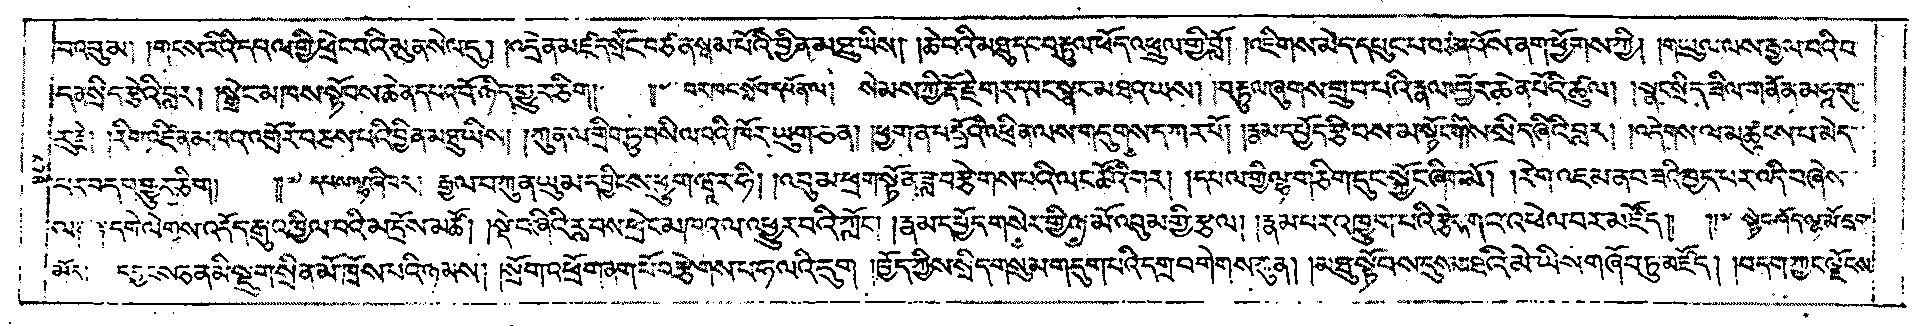བ་འབུམ། །གངས་རིའི་དཔལ་གྱི་ཕྲེང་བའི་མུན་སེལ་དུ། །འདྲེན་མཛད་སྲོང་བཙན་སྒམ་པོའི་བྱིན་མཐུ་ཡིས། །ཆེ་བའི་མཐུ་དང་བརྟུལ་ཕོད་འཕྲུལ་གྱི་བློ། །འཇིགས་མེད་དཔུང་པ་བཙན་པོས་ནག་ཕྱོགས་ཀྱི། །གཡུལ་ལས་རྒྱལ་བའི་བ་
དན་སྲིད་རྩེའི་བླར། །སྒྲེང་མཁས་སྟོབས་ཆེན་དཔའ་བོ་ཉིད་གྱུར་ཅིག ། །།༧་བར་ཁང་སློབ་དཔོན་ལ།  སེམས་ཀྱི་རྡོ་རྗེ་གར་དབང་སྣང་མཐའ་ཡས། །བརྟུལ་ཞུགས་གྲུབ་པའི་རྣལ་འབྱོར་ཆེན་པོའི་ཚུལ། །སྣང་སྲིད་ཟིལ་གནོན་མཧཱ་གུ་
རུ་རྗེ། །རིག་འཛིན་མཁའ་འགྲོར་བཅས་པའི་བྱིན་མཐུ་ཡིས། །ཀུན་ལ་གྲིབ་ཏུ་བསིལ་བའི་ཁོར་ཡུག་ཅན། །ཕྱག་ན་པདམོའི་འཕྲིན་ལས་གདུགས྾་དཀར་པོ། །རྣམ་དཔྱོད་རྩིབས་མ་སྟོང་གིས་སྲིད་ཞིའི་བླར། །འདེགས་ལ་མཚུངས་པ་མེད་
པར་བདག་གྱུར་ཅིག ། །།༧་དཔལ་ལྷ་ཞི་བར།  རྒྱལ་བ་ཀུན་ཡུམ་དབྱིངས་ཕྱུག་ཝཱ་ར་ཧི། །འབུམ་ཕྲག་སྟོན་ཟླ་བརྩེགས་པའི་ལང་ཚོའི་གར། །དཔལ་གྱི་ལྷ་གཅིག་དུང་སྐྱོང་ཞི་བ་མོ། །རེག་འཇམ་ན་བཟའི་ཁྱད་པར་འདི་བཞེས་
ལ༑ ༑དགེ་ལེགས་འདོད་རྒུ་འཁྱིལ་བའི་མ་དྲོས་མཚོ། །སྡེ་བཞིའི་རླབས་ཕྲེང་མཁའ་ལ་འཕྱུར་བའི་ཀློང་། །རྣམ་དཔྱོད་གསེར྾་གྱི་ཉ྾་མོ་འབུམ་གྱི་རྩལ། །རྣམ་པར་འཁྱུག་པའི་རྩེ་དགའ་འཕེལ་བར་མཛོད།། །།༧་སྟེང་ཤོད་ལྷ་མོ་དྲག་
མོར། དབྱངས་ཅན་མི་སྡུག་སྲིན་མོ་ཁྲོས་པའི་ཉམས། །སྲོག་འཕྲོག་ནག་པོ་བརྩེགས་པ་ཧ་ལའི་དུག །ཁྱོད་ཀྱིས་སྲིད་གསུམ་གདུག་པའི་དགྲ་བགེགས་ཀུན། །མཐུ་སྟོབས་དུས་མཐའི་མེ་ཡིས་གཞོབ་ཏུ་མཛོད། །བདག་ཀྱང་ལྗོངས་